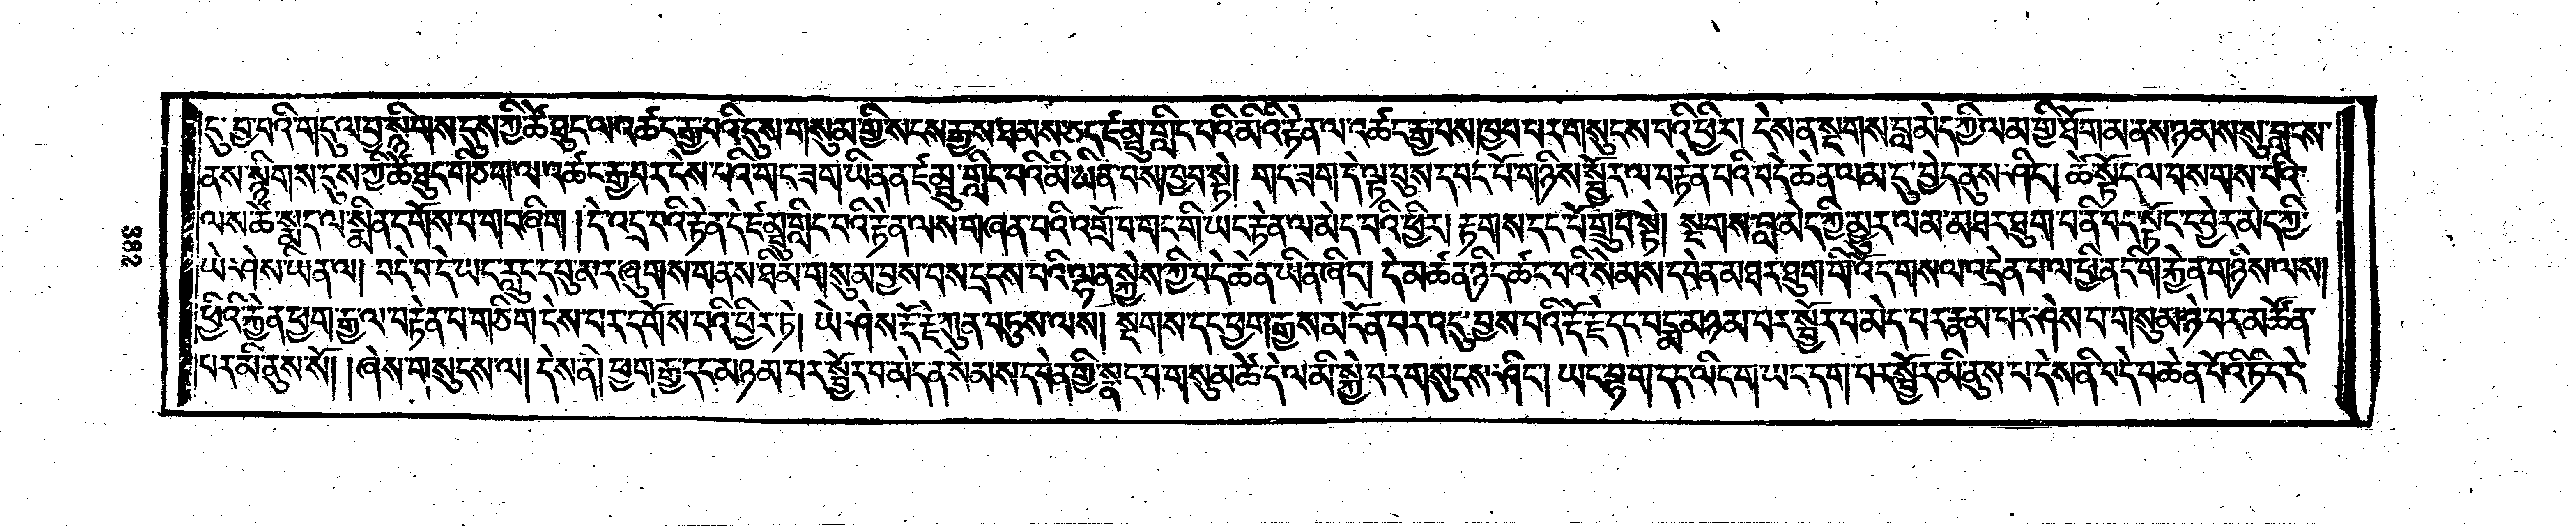དུ་བྱ་བའི་གདུལ་བྱ་སྙིགས་དུས་ཀྱི་ཚེ་ཐུང་ལ་འཚང་རྒྱ་བའི་དུས་གསུམ་གྱི་སངས་རྒྱས་ཐམས་ཅད་ཛམྦུ་གླིང་པའི་མིའི་རྟེན་ལ་འཚང་རྒྱ་བར་ཁྱབ་པར་གསུངས་པའི་ཕྱིར། དེས་ན་སྔགས་བླ་མེད་ཀྱི་ལམ་གྱི་ཐོག་མ་ནས་ཉམས་སུ་བླངས་
ནས་སྙིགས་དུས་ཀྱི་ཚེ་ཐུང་གཅིག་ལ་འཚང་རྒྱ་བར་ངེས་པའི་གང་ཟག་ཡིན་ན་ཛམྦུ་གླིང་པའི་མི་ཡིན་པས་ཁྱབ་སྟེ། གང་ཟག་དེ་ལྟ་བུས་དབང་པོ་གཉིས་སྦྱོར་ལ་བརྟེན་པའི་བདེ་ཆེན་ལམ་དུ་བྱེད་ནུས་ཤིང་། ཚེ་སྟོད་ལ་བསགས་པའི་
ལས་ཚེ་སྨད་ལ་སྨིན་དགོས་པ་གང་ཞིག །དེ་འདྲ་བའི་རྟེན་དེ་ཛམྦུ་གླིང་པའི་རྟེན་ལས་གཞན་པའི་འགྲོ་བ་གང་གི་ཡང་རྟེན་ལ་མེད་པའི་ཕྱིར། རྟགས་དང་པོ་གྲུབ་སྟེ། སྔགས་བླ་མེད་ཀྱི་མྱུར་ལམ་མཐར་ཐུག་པ་ནི་བདེ་སྟོང་དབྱེར་མེད་ཀྱི་
ཡེ་ཤེས་ཡིན་ལ། བདེ་བ་དེ་ཡང་རླུང་དབུ་མར་ཞུགས་གནས་ཐིམ་གསུམ་བྱས་པས་དྲངས་པའི་ལྷན་སྐྱེས་ཀྱི་བདེ་ཆེན་ཡིན་ཞིང་། དེ་མཚན་ཉིད་ཚང་བའི་སེམས་དབེན་མཐར་ཐུག་གི་འོད་གསལ་འདྲེན་པ་ལ་ཕྱི་ནང་གི་རྐྱེན་གཉིས་ལས།
ཕྱིའི་རྐྱེན་ཕྱག་རྒྱ་ལ་བརྟེན་པ་གཅིག་ངེས་བར་དགོས་པའི་ཕྱིར་ཏེ། ཡེ་ཤེས་རྡོ་རྗེ་ཀུན་བཏུས་ལས། སྔགས་དང་ཕྱག་རྒྱས་མངོན་པར་འདུ་བྱས་པའི་རྡོ་རྗེ་དང་པདམ་མཉམ་པར་སྦྱོར་བ་མེད་པར་རྣམ་པར་ཤེས་པ་གསུམ་ཉེ་བར་མཚོན་
པར་མི་ནུས་སོ། །ཞེས་གསུངས་ལ། དེས་ནི། ཕྱག་རྒྱ་དང་མཉམ་པར་སྦྱོར་པ་མེད་ན་སེམས་དབེན་གྱི་སྣང་བ་གསུམ་ཚེ་དེ་ལ་མི་སྐྱེ་བར་གསུངས་ཤིང་། ཡང་བྷ་ག་དང་ལིང་ག་ཡང་དག་པར་སྦྱོར་མི་ནུས་པ་དེས་ནི་བདེ་བ་ཆེན་པོའི་ཏིང་ངེ་